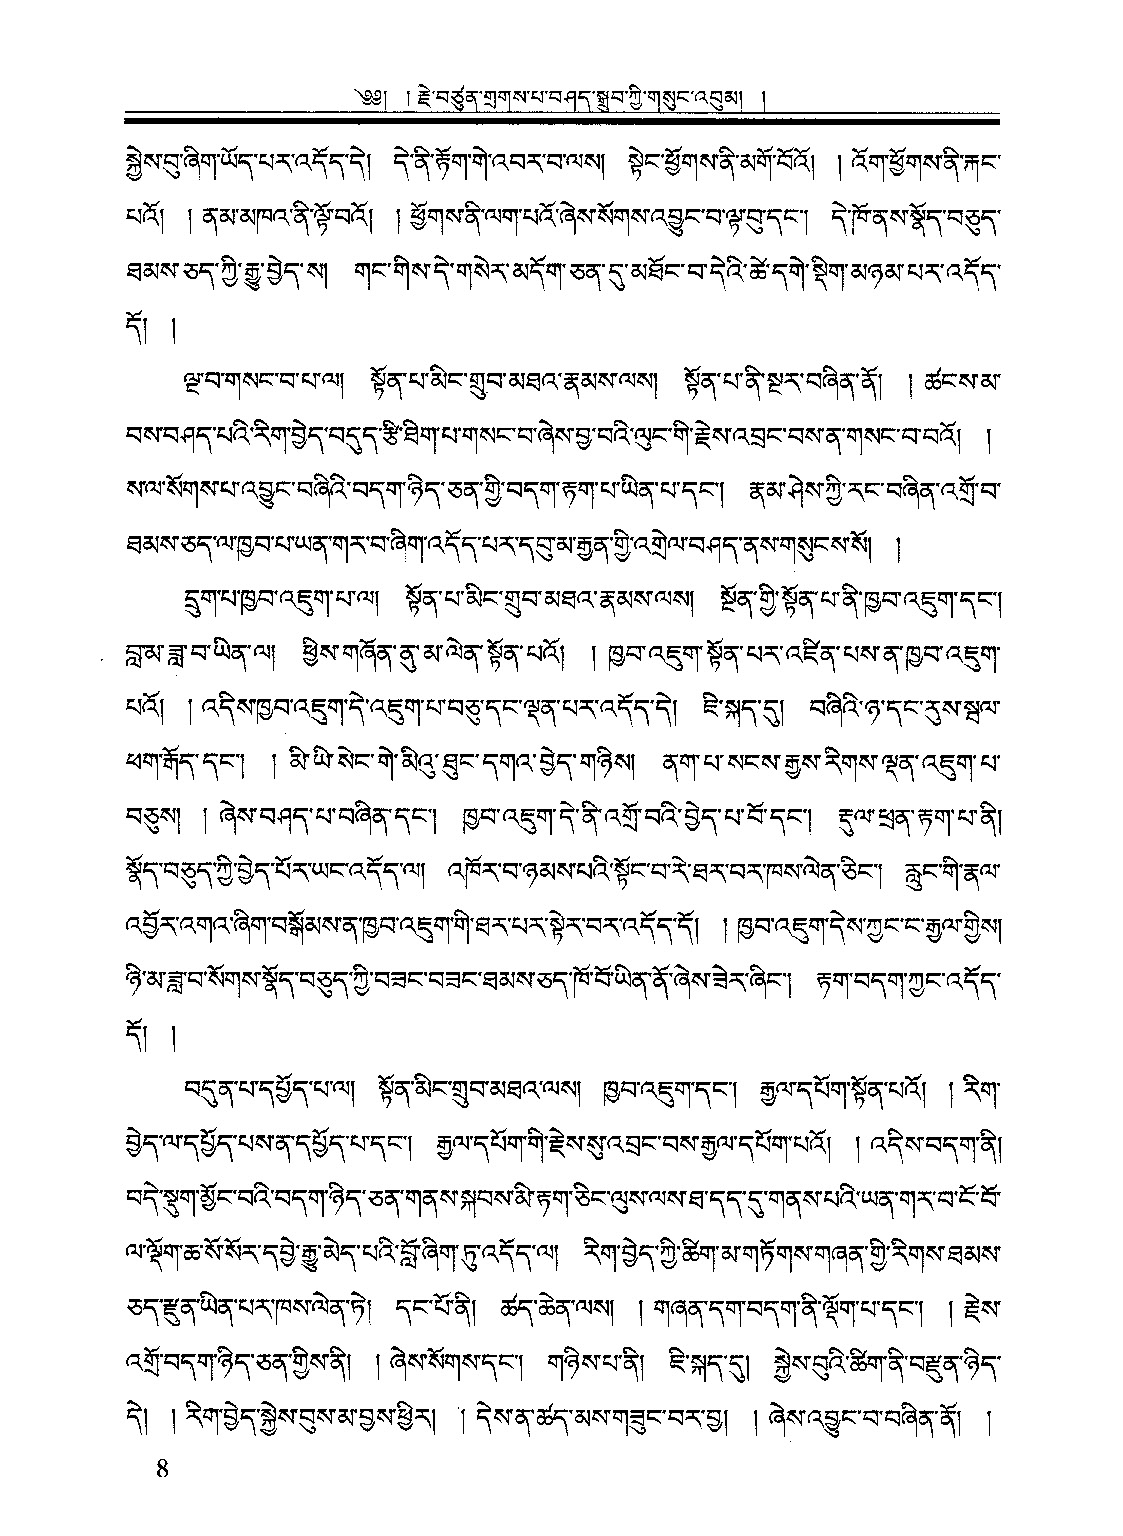སྐྱེས་བུ་ཞིག་ཡོད་པར་འདོད་དེ། དེ་ནི་རྟོག་གེ་འབར་བ་ལས། སྟེང་ཕྱོགས་ནི་མགོ་བོའོ། །འོག་ཕྱོགས་ནི་རྐང་
པའོ། །ནམ་མཁའ་ནི་ལྟོ་བའོ། །ཕྱོགས་ནི་ལག་པའོ་ཞེས་སོགས་འབྱུང་བ་ལྟ་བུ་དང་། དེ་ཁོ་ནས་སྣོད་བཅུད་
ཐམས་ཅད་ཀྱི་རྒྱུ་བྱེད་ས། གང་གིས་དེ་གསེར་མདོག་ཅན་དུ་མཐོང་བ་དེའི་ཚེ་དགེ་སྡིག་མཉམ་པར་འདོད་
དོ། །
ལྔ་བ་གསང་བ་པ་ལ། སྟོན་པ་མིང་གྲུབ་མཐའ་རྣམས་ལས། སྟོན་པ་ནི་སྔར་བཞིན་ནོ། །ཚངས་མ་
བས་བཤད་པའི་རིག་བྱེད་བདུད་རྩི་ཐིག་པ་གསང་བ་ཞེས་བྱ་བའི་ལུང་གི་རྗེས་འབྲང་བས་ན་གསང་བ་བའོ། །
ས་ལ་སོགས་པ་འབྱུང་བཞིའི་བདག་ཉིད་ཅན་གྱི་བདག་རྟག་པ་ཡིན་པ་དང་། རྣམ་ཤེས་ཀྱི་རང་བཞིན་འགྲོ་བ་
ཐམས་ཅད་ལ་ཁྱབ་པ་ཡན་གར་བ་ཞིག་འདོད་པར་དབུ་མ་རྒྱན་གྱི་འགྲེལ་བཤད་ནས་གསུངས་སོ། །
དྲུག་པ་ཁྱབ་འཇུག་པ་ལ། སྟོན་པ་མིང་གྲུབ་མཐའ་རྣམས་ལས། སྔོན་གྱི་སྟོན་པ་ནི་ཁྱབ་འཇུག་དང་།
བླ་མ་ཟླ་བ་ཡིན་ལ། ཕྱིས་གཞོན་ནུ་མ་ལེན་སྟོན་པའོ། །ཁྱབ་འཇུག་སྟོན་པར་འཛིན་པས་ན་ཁྱབ་འཇུག་
པའོ། །འདིས་ཁྱབ་འཇུག་དེ་འཇུག་པ་བཅུ་དང་ལྡན་པར་འདོད་དེ། ཇི་སྐད་དུ། བཞིའི་ཉ་དང་རུས་སྦལ་
ཕག་རྒོད་དང་། །མི་ཡི་སེང་གེ་མིའུ་ཐུང་དགའ་བྱེད་གཉིས། ནག་པ་སངས་རྒྱས་རིགས་ལྡན་འཇུག་པ་
བཅུས། །ཞེས་བཤད་པ་བཞིན་དང་། ཁྱབ་འཇུག་དེ་ནི་འགྲོ་བའི་བྱེད་པ་བོ་དང་། རྡུལ་ཕྲན་རྟག་པ་ནི།
སྣོད་བཅུད་ཀྱི་བྱེད་པོར་ཡང་འདོད་ལ། འཁོར་བ་ཉམས་པའི་སྟོང་བ་རེ་ཐར་བར་ཁས་ལེན་ཅིང་། རླུང་གི་རྣལ་
འབྱོར་འགའ་ཞིག་བསྒོམས་ན་ཁྱབ་འཇུག་གི་ཐར་བར་སྟེར་བར་འདོད་དོ། །ཁྱབ་འཇུག་དེས་ཀྱང་ང་རྒྱལ་གྱིས།
ཉི་མ་ཟླ་བ་སོགས་སྣོད་བཅུད་ཀྱི་བཟང་བཟང་ཐམས་ཅད་ཁོ་བོ་ཡིན་ནོ་ཞེས་ཟེར་ཞིང་། རྟག་བདག་ཀྱང་འདོད་
དོ། །
བདུན་པ་དཔྱོད་པ་ལ། སྟོན་མིང་གྲུབ་མཐའ་ལས། ཁྱབ་འཇུག་དང་། རྒྱལ་དཔོག་སྟོན་པའོ། །རིག་
བྱེད་ལ་དཔྱོད་པས་ན་དཔྱོད་པ་དང་། རྒྱལ་དཔོག་གི་རྗེས་སུ་འབྲང་བས་རྒྱལ་དཔོག་པའོ། །འདིས་བདག་ནི།
བདེ་སྡུག་མྱོང་བའི་བདག་ཉིད་ཅན་གནས་སྐབས་མི་རྟག་ཅིང་ལུས་ལས་ཐ་དད་དུ་གནས་པའི་ཡན་གར་བ་ངོ་བོ་
ལ་ལྡོག་ཆ་སོ་སོར་དབྱེ་རྒྱུ་མེད་པའི་བློ་ཞིག་ཏུ་འདོད་ལ། རིག་བྱེད་ཀྱི་ཚིག་མ་གཏོགས་གཞན་གྱི་རིགས་ཐམས་
ཅད་རྫུན་ཡིན་པར་ཁས་ལེན་ཏེ། དང་པོ་ནི། ཚད་ཆེན་ལས། །གཞན་དག་བདག་ནི་ལྡོག་པ་དང་། །རྗེས་
འགྲོ་བདག་ཉིད་ཅན་གྱིས་ནི། །ཞེས་སོགས་དང་། གཉིས་པ་ནི། ཇི་སྐད་དུ། སྐྱེས་བུའི་ཚིག་ནི་བརྫུན་ཉིད་
དེ། །རིག་བྱེད་སྐྱེས་བུས་མ་བྱས་ཕྱིར། །དེས་ན་ཚད་མས་གཟུང་བར་བྱ། །ཞེས་འབྱུང་བ་བཞིན་ནོ། །